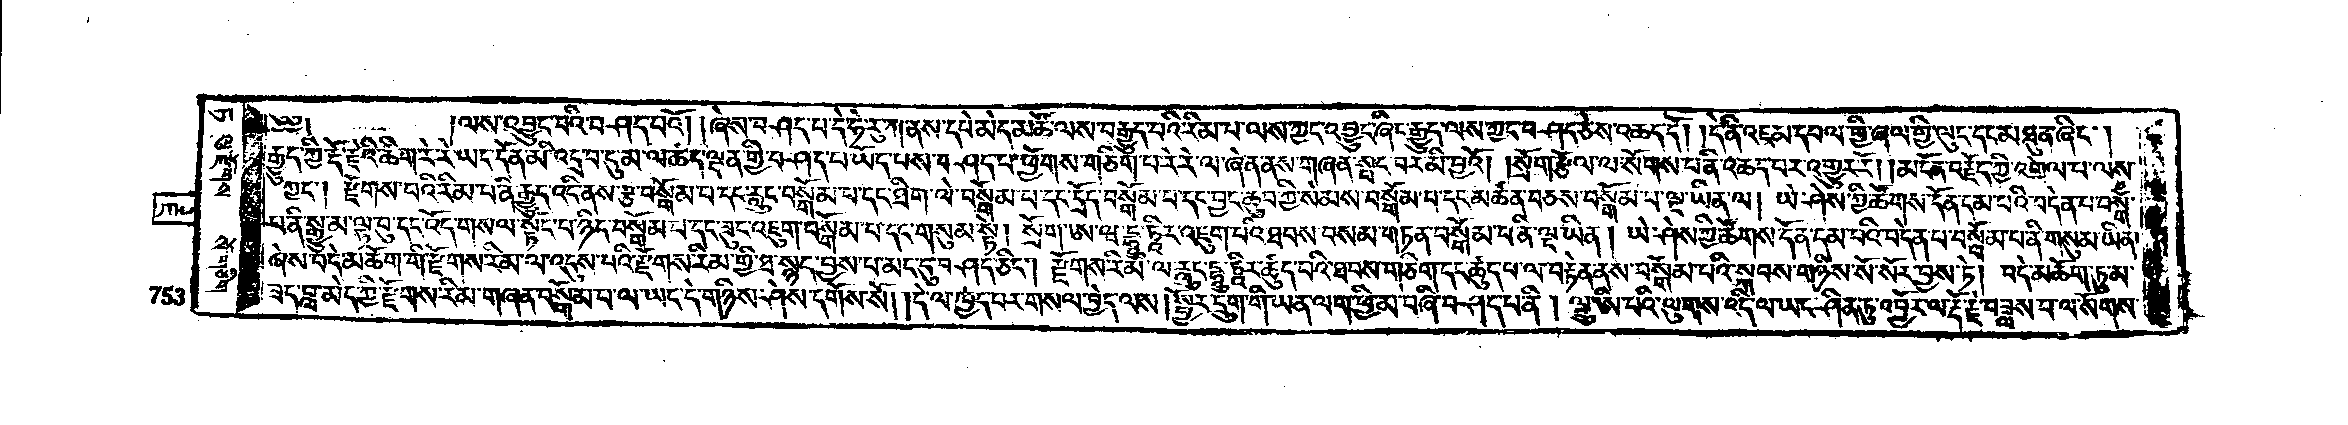༄༅། །ལས་འབྱུང་བའི་བཤད་པའོ། །ཞེས་བཤད་པ་དེ་ཧེ་རུ་ཀ་ནས་དཔེ་མེད་མཚོ་ལས་བརྒྱུད་པའི་རིམ་པ་ལས་ཀྱང་འབྱུང་ཞིང་རྒྱུད་ལས་ཀྱང་བཤད་ཅེས་འཆད་དོ། །དེ་ནི་འཇམ་དཔལ་གྱི་ཞལ་གྱི་ལུང་དང་མཐུན་ཞིང་།
རྒྱུད་ཀྱི་རྡོ་རྗེའི་ཚིག་རེ་རེ་ཡང་དོན་མི་འདྲ་བ་དུ་མ་ལ་ཚད་ལྡན་གྱི་བཤད་པ་ཡོད་པས་བཤད་པ་ཕྱོགས་གཅིག་པ་རེ་རེ་ལ་ཞེན་ནས་གཞན་སྤང་བར་མི་བྱའོ། །སྲོག་རྩོལ་ལ་སོགས་པ་ནི་འཆད་པར་འགྱུར་རོ། །མངོན་བརྗོད་ཀྱི་འགྲེལ་པ་ལས་
ཀྱང་། རྫོགས་པའི་རིམ་པ་ནི་རྒྱུད་འདི་ནས་རྩ་བསྒོམ་པ་དང་རླུང་བསྒོམ་པ་དང་ཐིག་ལེ་བསྒོམ་པ་དང་དྲོད་བསྒོམ་པ་དང་བྱང་ཆུབ་ཀྱི་སེམས་བསྒོམ་པ་དང་མཚན་བཅས་བསྒོམ་པ་ལྔ་ཡིན་ལ། ཡེ་ཤེས་ཀྱི་ཚོགས་དོན་དམ་པའི་བདེན་པ་བསྒོམ་
པ་ནི་སྒྱུ་མ་ལྟ་བུ་དང་འོད་གསལ་སྟོང་པ་ཉིད་བསྒོམ་པ་དང་ཟུང་འཇུག་བསྒོམ་པ་དང་གསུམ་སྟེ། སྲོག་ཨ་ཝ་དྷཱུ་ཏཱིར་འཇུག་པའི་ཐབས་བསམ་གཏན་བསྒོམ་པ་ནི་ལྔ་ཡིན། ཡེ་ཤེས་ཀྱི་ཚོགས་དོན་དམ་པའི་བདེན་པ་བསྒོམ་པ་ནི་གསུམ་ཡིན།
ཞེས་བདེ་མཆོག་གི་རྫོགས་རིམ་ལ་འདུས་པའི་རྫོགས་རིམ་གྱི་ཐ་སྙད་བྱས་པ་མང་དུ་བཤད་ཅིང་། རྫོགས་རིམ་ལ་རླུང་དྷཱུ་ཏཱིར་ཚུད་པའི་ཐབས་གཅིག་དང་ཚུད་པ་ལ་བརྟེན་ནས་བསྒོམ་པའི་སྐབས་གཉིས་སོ་སོར་བྱས་ཏེ། བདེ་མཆོག་ཏུ་མ་
ཟད་བླ་མེད་ཀྱི་རྫོགས་རིམ་གཞན་བསྒོམ་པ་ལ་ཡང་དེ་གཉིས་ཤེས་དགོས་སོ། །དེ་ལ་ཁྱད་པར་གསལ་བྱེད་ལས། སྦྱོར་དྲུག་གི་ཡན་ལག་ཕྱི་མ་བཞི་བཤད་པ་ནི། ལཱུ་ཨི་པའི་ལུགས་འདི་ལ་ཡང་ཤིན་ཏུ་འབྱོར་ལ་རྡོ་རྗེ་བཟླས་པ་ལ་སོགས་